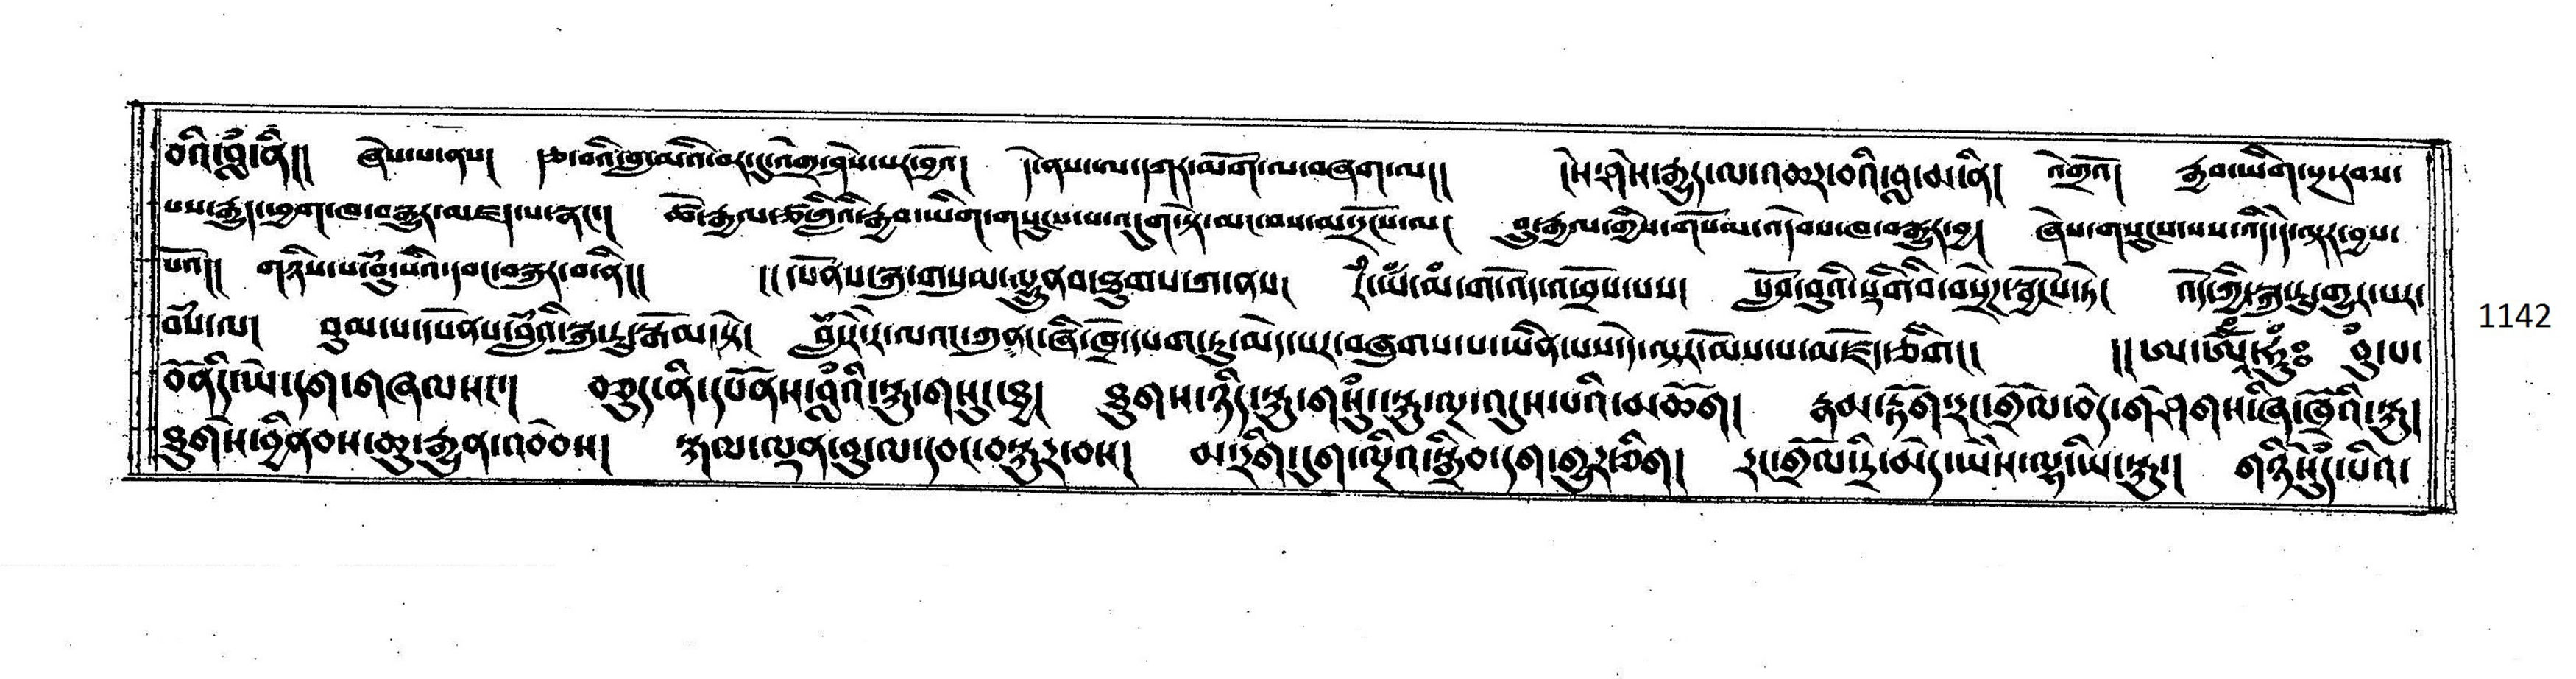བའི་བླ་མ་ནི།། ཞེས་ནས། རྩ་བའི་བླ་མའི་བར་དུ་འགྲོ་ཤེས་པར་བྱའོ། དེ་ནས་ཨ་དཀར་མགོ་ལ་བཞག་ལ།། ངེས་ཤེས་རྒྱུད་ལ་འཆར་བའི་བླ་མ་ནི། འགྲེའོ། རྒྱབ་ཡིག་སྔ་རབས་
པས་རྒྱུད་ཕྱག་ཁ་བསྒྱུར་མཛད་པ་སྣང་། ཚོ་རྒྱལ་ཙ་ཀླིའི་རྒྱབ་ཡིག་གསུངས་པ་འདུག་སྟེ་མང་བས་མ་དྲོངས་ལ། བྲུ་རྒྱལ་གྱིས་གསོལ་འདེབས་ཁ་བསྒྱུར་བྱ། ཞེས་གསུངས་པས་འདི་དེ་ལྟར་བྱས་
པའོ།། གཉིས་པ་བུམ་པའི་དབང་བསྐུར་བ་ནི།། །།དཔོན་གསས་སྐུ་གསུམ་ལྷུན་གྲུབ་ཐུགས་ཀ་ནས། རཾ་ཡྃ་མཾ་གི་འོད་འཕྲོས་པས། སློབ་བུའི་སྡིག་སྒྲིབ་བསྲེགས་སྦྱོངས་ཏེ། འོད་ཀྱི་སྐུ་རུ་གྱུར་པར་
བསམ་ལ། བུམ་པ་དཔོན་གསས་བླ་མའི་སྐུ་རུ་སྒོམ་སྟེ། བླ་མ་རེ་རེ་ལའང་ཀུན་བཟང་ཞི་ཁྲོ་དཔག་ཏུ་མེད་པར་བཞུགས་པ་ཡིན་པས་དེ་ལྟར་མོས་པ་མཛོད་ཅིག།། །།ཨ་ཨཱོཾ་ཧཱུྃཿ བུམ་པ་
བོན་ཉིད་ཡེ་དག་གཞལ་ཡས་ཁང་། བཅུད་ནི་དཔོན་གསས་བླ་མའི་སྐུ་གསུང་ཐུགས། ཐུགས་ཉིད་སྐུ་གསུམ་སྐུ་ལྔ་འདུས་པའི་མཆོག རྣམ་རྟོག་རང་གྲོལ་བདེ་གཤེགས་ཞི་ཁྲོའི་སྐུ། 
ཐུགས་རྗེ་བྱིན་རླབས་ཆུ་རྒྱུན་འབེབས། སྐལ་ལྡན་བུ་ལ་དབང་བསྐུར་བས། མ་རིག་དུག་ལྔའི་སྒྲིབ་པ་དག་གྱུར་ཅིག རང་གྲོལ་དྲི་མེད་ཡེ་ཤེས་ལྷ་ཡི་སྐུ། གཉིས་སུ་མེད་པའི་